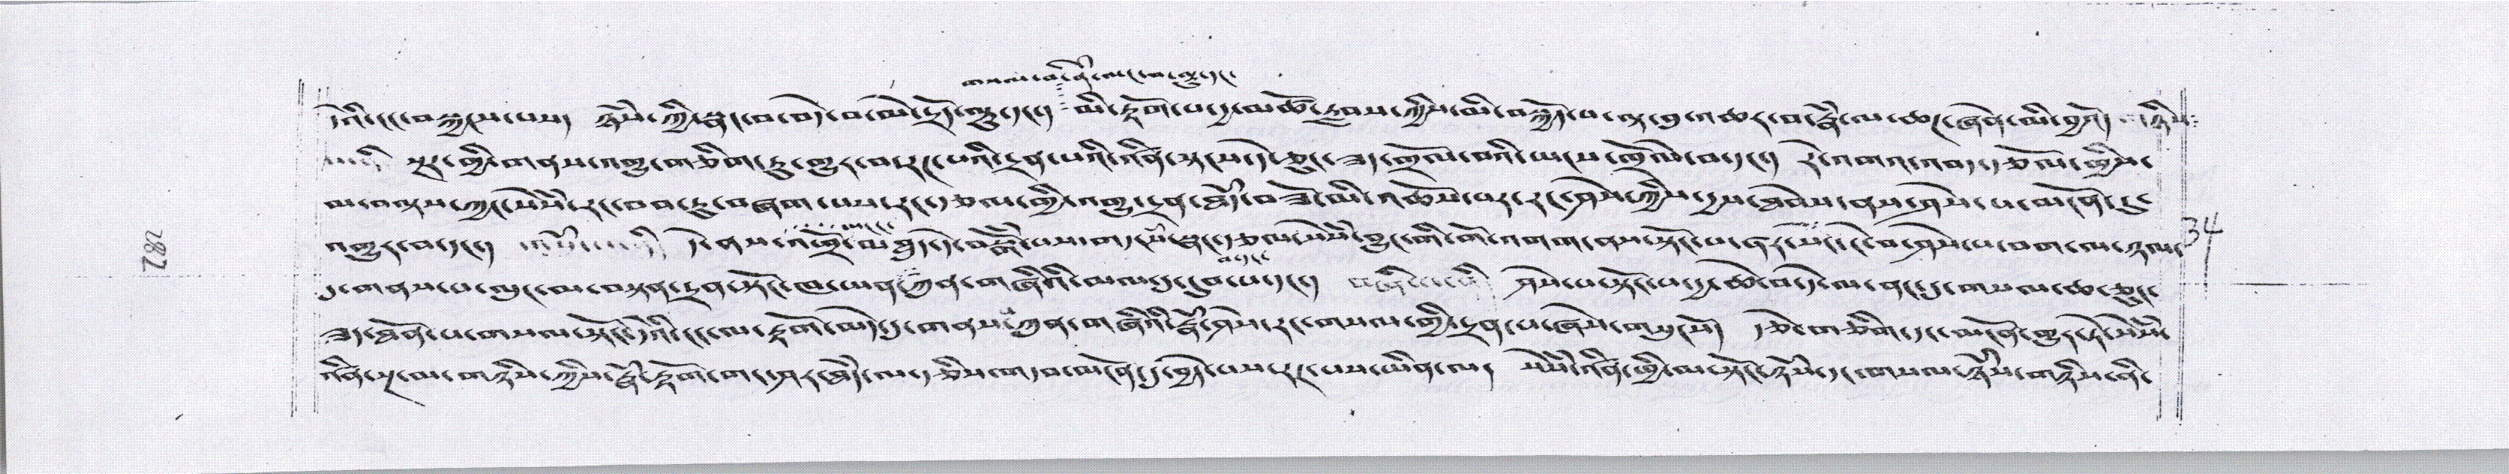དེའི་ངང་བསྐྱངས་པས། ཉམས་ཀྱི་སྣང་བ་བདེ་བ་མེ་དྲོད་ལྟ་བུ་དང། གསལ་བ་ནམ་ལང་བ་ལྟ་བུ་དང། མི་རྟོག་པ་རྒྱ་མཚོ་རླབས་ཀྱིས་མི་བསྐྱོད་པ་ལྟ་བུ་འཆར་བ་རྣམས་ལ་ཆགས་ཞེན་མི་བྱའོ། གཉིས་
པ་ནི། སྔར་གྱི་གནས་འགྱུ་གཅིག་ཏུ་གྱུར་བ་རགས་པའི་དྲན་པའི་འཛིན་སྟངས་དེ་ཅུང་ཟད་གྲོལ་བའི་ཡངས་ཁྲོལ་ལེ་བ་དང། རེ་འགའ་འབད་རྩོལ་གྱིས་
མ་བལྟས་ཀྱང་སེམས་རང་བབ་ཏུ་བཞག་པས་རང་རྩལ་གྱི་འགྱུ་དྲན་ཐམས་ཅད་བཟོ་མི་འཆོས་པར་རང་ཤེས་ཀྱིས་རྒྱས་ཐེབས་ནས་ཤེས་པ་མངོན་དུ་
འགྱུར་བ་དང། གསུམ་པ་ནི། དེ་ནས་ཡང་ཡང་འཕྲོ་མཐུད་དེ་བསྒོམ་པས་གདམས་སྣང་བ་དང་རྩལ་སེམས་བྱུང་གི་གོ་འགག་ནས་སྟོང་པ་ཧར་སེང་ངེ་བ་ཤེས་པ་བག་ལ་ཉལ་
དུ་གནས་པ་ལུང་མ་བསྟན་དྲན་སྟོང་ཁ་ཡན་ཀུན་གཞིའི་མལ་དུ་ངུབ་པ་དང། བཞི་པ་ནི། ཤེས་པ་སྟོང་པ་རྒྱ་ཆེ་བ་དེ་ལ་ནང་དུ་གསལ་ཆ་ཅུང་
ཟད་ཐོན་པ་གསལ་སྟོང་དེའི་ངང་ལ་རྟོག་མེད་དུ་གནས་ཀུན་གཞིའི་རྣམ་ཤེས་རང་གསལ་གྱི་དྲན་པ་ཞེས་གསུངས་སོ། རྩེ་གཅིག་དང་མངོན་གྱུར་ཏེ་སེམས་
འཛིན་སྔ་མ་གཉིས་ཀྱིས་རྣམ་རྟོག་གང་ཤར་ཐམས་ཅད་ལ་རྩིས་གདབ་མངོན་དུ་བྱེད་པས་རངགས་པས་ཡིན་ལ། སེམས་འཛིན་ཕྱི་མ་སྟོང་ཉམས་དང་གསལ་ཉམས་གཉིས་ནི་